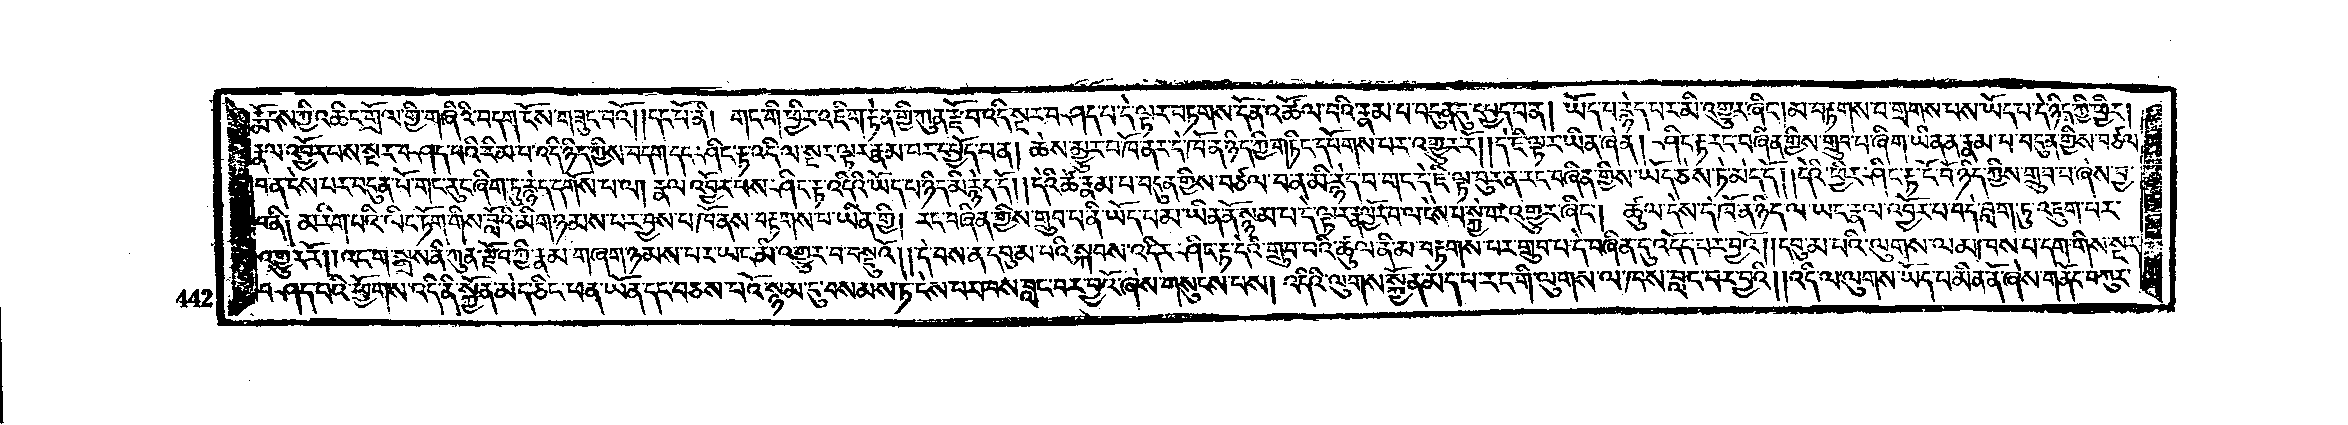རྨོངས་ཀྱི་འཆིང་གྲོལ་གྱི་གཞིའི་བདག་ངོས་གཟུང་བའོ། །དང་པོ་ནི། གང་གི་ཕྱིར་འཇིག་རྟེན་གྱི་ཀུན་རྫོབ་འདི་སྔར་བཤད་པ་དེ་ལྟར་བཏགས་དོན་འཚོལ་བའི་རྣམ་པ་བདུན་དུ་དཔྱད་པ་ན། ཡོད་པ་རྙེད་པར་མི་འགྱུར་ཞིང་། མ་བརྟགས་པ་གྲགས་པས་ཡོད་པ་དེ་ཉིད་ཀྱི་ཕྱིར།
རྣལ་འབྱོར་པས་སྔར་བཤད་པའི་རིམ་པ་འདི་ཉིད་ཀྱིས་བདག་དང་ཤིང་རྟ་འདི་ལ་སྔར་ལྟར་རྣམ་པར་དཔྱོད་པ་ན། ཆེས་མྱུར་བ་ཁོ་ནར་དེ་ཁོ་ན་ཉིད་ཀྱི་གཏིང་དཔོགས་པར་འགྱུར་རོ། །དེ་ཇི་ལྟར་ཡིན་ཞེ་ན། ཤིང་རྟ་རང་བཞིན་གྱིས་གྲུབ་པ་ཞིག་ཡིན་ན་རྣམ་པ་བདུན་གྱིས་བཙལ་
བ་ན་ངེས་པར་བདུན་པོ་གང་རུང་ཞིག་ཏུ་རྙེད་དགོས་པ་ལ། རྣལ་འབྱོར་པས་ཤིང་རྟ་འདིའི་ཡོད་པ་ཉིད་མི་རྙེད་དོ། །དེའི་ཚེ་རྣམ་པ་བདུན་གྱིས་བཙལ་བ་ན་མི་རྙེད་པ་གང་དེ་ཇི་ལྟ་བུར་ན་རང་བཞིན་གྱིས་ཡོད་ཅེས་ཏེ་མེད་དོ། །དེའི་ཕྱིར་ཤིང་རྟ་ངོ་བོ་ཉིད་ཀྱིས་གྲུབ་པ་ཞེས་བྱ་
བ་ནི། མ་རིག་པའི་ལིང་ཏོག་གིས་བློའི་མིག་ཉམས་པར་བྱས་པ་ཁོ་ནས་བརྟགས་པ་ཡིན་གྱི། རང་བཞིན་གྱིས་གྲུབ་པ་ནི་ཡོད་པ་མ་ཡིན་ནོ་སྙམ་པ་དེ་ལྟར་རྣལ་འབྱོར་པ་ལ་ངེས་པ་སྐྱེ་བར་འགྱུར་ཞིང་། ཚུལ་དེས་དེ་ཁོ་ན་ཉིད་ལ་ཡང་རྣལ་འབྱོར་པ་བདེ་བླག་ཏུ་འཇུག་པར་
འགྱུར་རོ། །འང་གི་སྒྲས་ནི་ཀུན་རྫོབ་ཀྱི་རྣམ་གཞག་ཉམས་པར་ཡང་མི་འགྱུར་བ་བསྡུའོ། །དེ་བས་ན་དབུ་མ་པའི་སྐབས་འདིར་ཤིང་རྟ་དེའི་གྲུབ་པའི་ཚུལ་ནི་མ་བརྟགས་པར་གྲུབ་པ་དེ་བཞིན་དུ་འདོད་པར་བྱའོ། །དབུ་མ་པའི་ལུགས་ལ་མཁས་པ་དག་གིས་སྔར་
བཤད་པའི་ཕྱོགས་འདི་ནི་སྐྱོན་མེད་ཅིང་ཕན་ཡོན་དང་བཅས་པའོ་སྙམ་དུ་བསམས་ཏེ་ངེས་པར་ཁས་བླང་བར་བྱའོ་ཞེས་གསུངས་པས། འདིའི་ལུགས་སྐྱོན་མེད་པ་རང་གི་ལུགས་ལ་ཁས་བླང་བར་བྱའི། །འདི་ལ་ལུགས་ཡོད་པ་མིན་ནོ་ཞེས་གནོད་བཀུར་